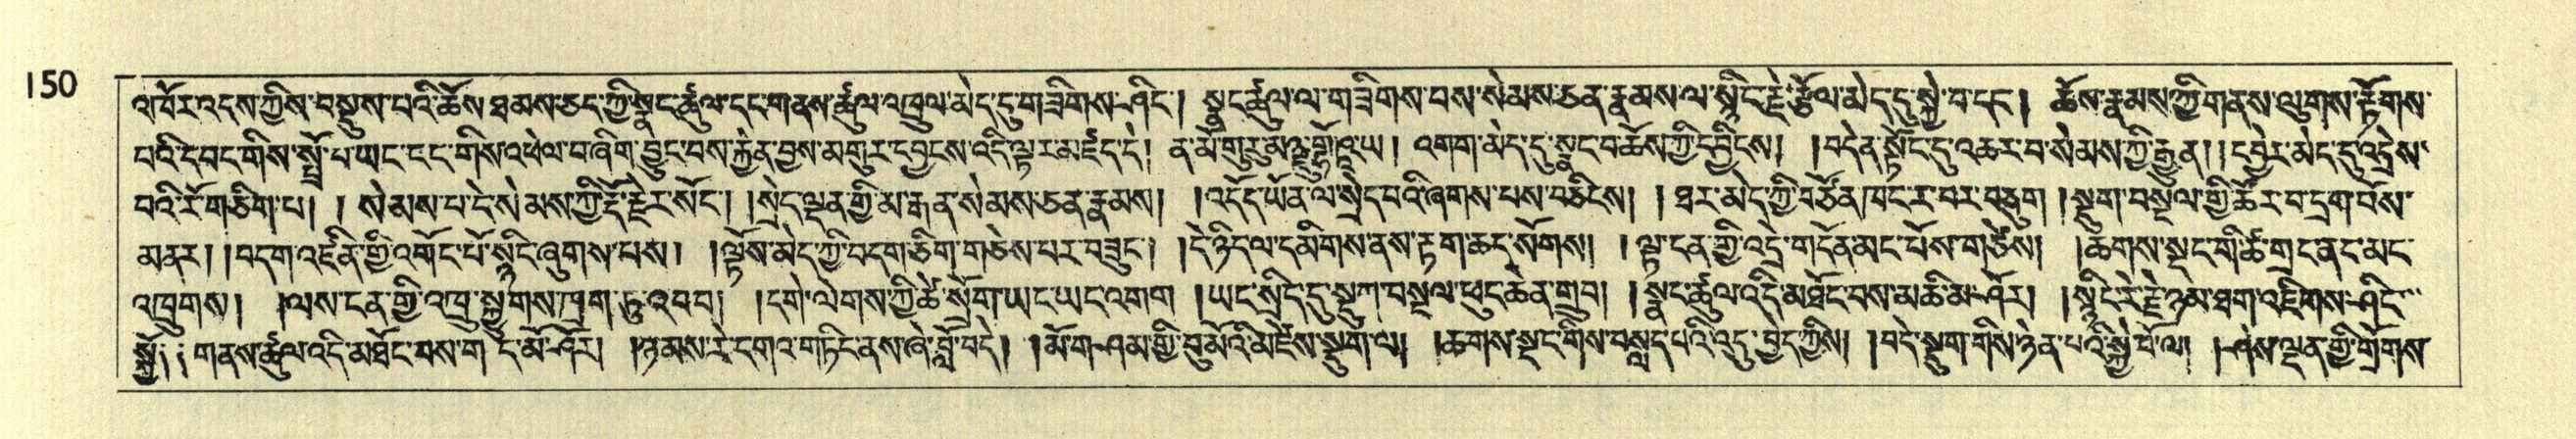འཁོར་འདས་ཀྱིས་བསྡུས་པའི་ཆོས་ཐམས་ཅད་ཀྱི་སྣང་ཚུལ་དང་གནས་ཚུལ་འཁྲུལ་མེད་དུ་གཟིགས་ཤིང་། སྣང་ཚུལ་ལ་གཟིགས་པས་སེམས་ཅན་རྣམས་ལ་སྙིང་རྗེ་རྩོལ་མེད་དུ་སྐྱེ་བ་དང་། ཆོས་རྣམས་ཀྱི་གནས་ལུགས་རྟོགས་
པའི་དབང་གིས་སྤྲོ་པ་ཡང་ངང་གིས་འཕེལ་བ་ཞིག་བྱུང་བས་རྐྱེན་བྱས་མགུར་དབྱངས་འདི་ལྟར་མཛད་དེ། ན་མོ་གུ་རུ་མཉྫུ་གྷོ་ཥཱ་ཡ། འགག་མེད་དུ་སྣང་བ་ཆོས་ཀྱི་དབྱིངས། །བདེན་སྟོང་དུ་འཆར་བ་སེམས་ཀྱི་རྒྱུན། །དབྱེར་མེད་དུ་འདྲེས་
བའི་རོ་གཅིག་པ། །སེམས་པ་དེ་སེམས་ཀྱི་རྡོ་རྗེར་སོང་། །སྲེད་ལྡན་གྱི་མ་རྒན་སེམས་ཅན་རྣམས། །འདོད་ཡོན་ལ་སྲེད་པའི་ཞགས་པས་བཅིངས། །ཐར་མེད་ཀྱི་བཙོན་ཁང་ར་བར་བཅུག །སྡུག་བསྔལ་གྱི་ཚོར་བ་དྲག་པོས་
མནར། །བདག་འཛིན་གྱི་འགོང་པོ་སྙིང་ཞུགས་པས། །ལྟོས་མེད་ཀྱི་བདག་ཅིག་གཅེས་པར་བཟུང་། །དེ་ཉིད་ལ་དམིགས་ནས་རྟག་ཆད་སོགས། །ལྟ་ངན་གྱི་འདྲེ་གདོན་མང་པོས་གཙེས། །ཆགས་སྡང་གི་ཚ་གྲང་ནང་མང་
འཁྲུགས། །ལས་ངན་གྱི་འཁྲུ་སྐྱུགས་ཁྲག་ཏུ་འབབ། །དགེ་ལེགས་ཀྱི་ཚེ་སྲོག་ཡང་ཡང་འགག །ཡང་སྲིད་དུ་སྡུག་བསྔལ་ཕུང་ཆེན་གྲུབ། །སྣང་ཚུལ་འདི་མཐོང་བས་མཆི་མ་ཤོར། །སྙིང་རེ་རྗེ་ཉམ་ཐག་འཇིགས་ཤིང་
སྐྱོ༑ ༑གནས་ཚུལ་འདི་མཐོང་བས་གང་མོ་ཤོར། །ཉམས་རེ་དགའ་གཏིང་ནས་ཞེ་བློ་བདེ། །མོ་གཤམ་གྱི་བུ་མོའི་མཛེས་སྡུག་ལ། །ཆགས་སྡང་གིས་བསླད་པའི་འདུ་བྱེད་ཀྱིས། །བདེ་སྡུག་གིས་ཉེན་པའི་སྐྱེ་བོ་ལ། །ཤེས་ལྡན་གྱི་གྲོགས་